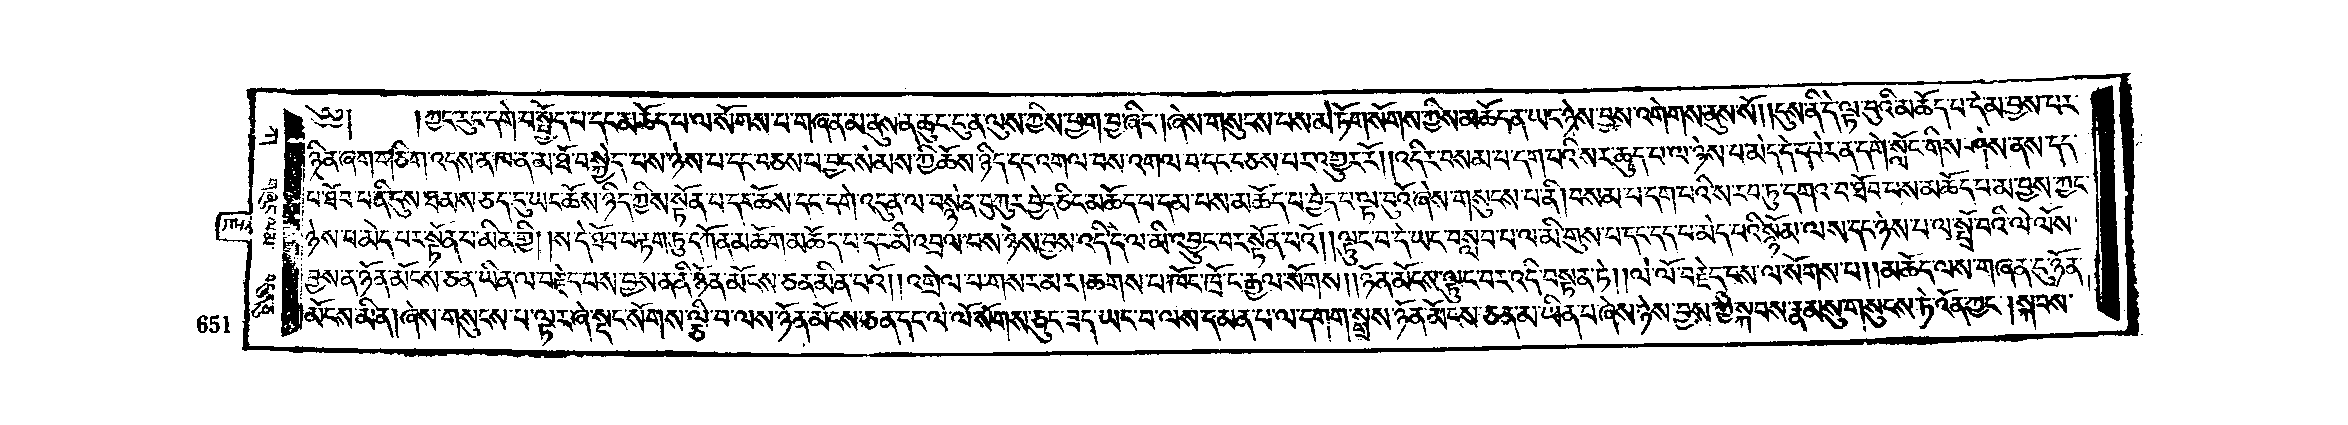༄༅། །ཀྱང་རུང་དགེ་བ་སྤྱོད་པ་དང་མཆོད་པ་ལ་སོགས་པ་གཞན་མ་ནུས་ན་ཆུང་ངུ་ན་ལུས་ཀྱིས་ཕྱག་བྱ་ཞིང་། ཞེས་གསུངས་པས་མེ་ཏོག་སོགས་ཀྱིས་མཆོད་ན་ཡང་ཉེས་བྱས་འགེགས་ནུས་སོ། །དུས་ནི་དེ་ལྟ་བུའི་མཆོད་པ་དེ་མ་བྱས་པར་
ཉིན་ཞག་གཅིག་འདས་ན་ཁ་ན་མ་ཐོ་བ་སྐྱེད་པས་ཉེས་པ་དང་བཅས་པ་བྱང་སེམས་ཀྱི་ཆོས་ཉིད་དང་འགལ་བས་འགལ་བ་དང་བཅས་པར་འགྱུར་རོ། །འདིར་བསམ་པ་དག་པའི་སར་ཆུད་པ་ལ་ཉེས་པ་མེད་དེ་དཔེར་ན་དགེ་སློང་གིས་ཤེས་ནས་དད་
པ་ཐོབ་པ་ནི་དུས་ཐམས་ཅད་དུ་ཡང་ཆོས་ཉིད་ཀྱིས་སྟོན་པ་དང་ཆོས་དང་དགེ་འདུན་ལ་བསྙེན་བུ་ཀུར་བྱེད་ཅིང་མཆོད་པ་དམ་པས་མཆོད་པ་བྱེད་པ་ལྟ་བུའོ་ཞེས་གསུངས་པ་ནི། བསམ་པ་དག་པའི་ས་རབ་ཏུ་དགའ་བ་ཐོབ་པས་མཆོད་པ་མ་བྱས་ཀྱང་
ཉེས་པ་མེད་པར་སྟོན་པ་མིན་གྱི། །ས་དེ་ཐོབ་པ་རྟག་ཏུ་དཀོན་མཆོག་མཆོད་པ་དང་མི་འབྲལ་བས་ཉེས་བྱས་འདི་དེ་ལ་མི་འབྱུང་བར་སྟོན་པའོ། །ལྟུང་བ་དེ་ཡང་བསླབ་པ་ལ་མི་གུས་པ་དང་དད་པ་མེད་པའི་སྙོམ་ལས་དང་ཉེས་པ་ལ་སྤྲོ་བའི་ལེ་ལོས་
བྱས་ན་ཉོན་མོངས་ཅན་ཡིན་ལ་བརྗེད་པས་བྱས་ན་ནི་ཉོན་མོངས་ཅན་མིན་པའོ། །འགྲེལ་པ་གསར་མར། ཆགས་པ་ཁོང་ཁྲོ་ང་རྒྱལ་སོགས། །ཉོན་མོངས་ལྟུང་བར་འདི་བསྟན་ཏེ། །ལེ་ལོ་བརྗེད་ངས་ལ་སོགས་པ། །མཆོད་ལས་གཞན་དུ་ཉོན་
མོངས་མིན། ཞེས་གསུངས་པ་ལྟར་ཞེ་སྡང་སོགས་ལྕི་བ་ལས་ཉོན་མོངས་ཅན་དང་ལེ་ལོ་སོགས་ཅུང་ཟད་ཡང་བ་ལས་དམན་པ་ལ་དགག་སྒྲས་ཉོན་མོངས་ཅན་མ་ཡིན་པ་ཞེས་ཉེས་བྱས་ཀྱི་སྐབས་རྣམས་སུ་གསུངས་ཏེ་འོན་ཀྱང་། སྐབས་